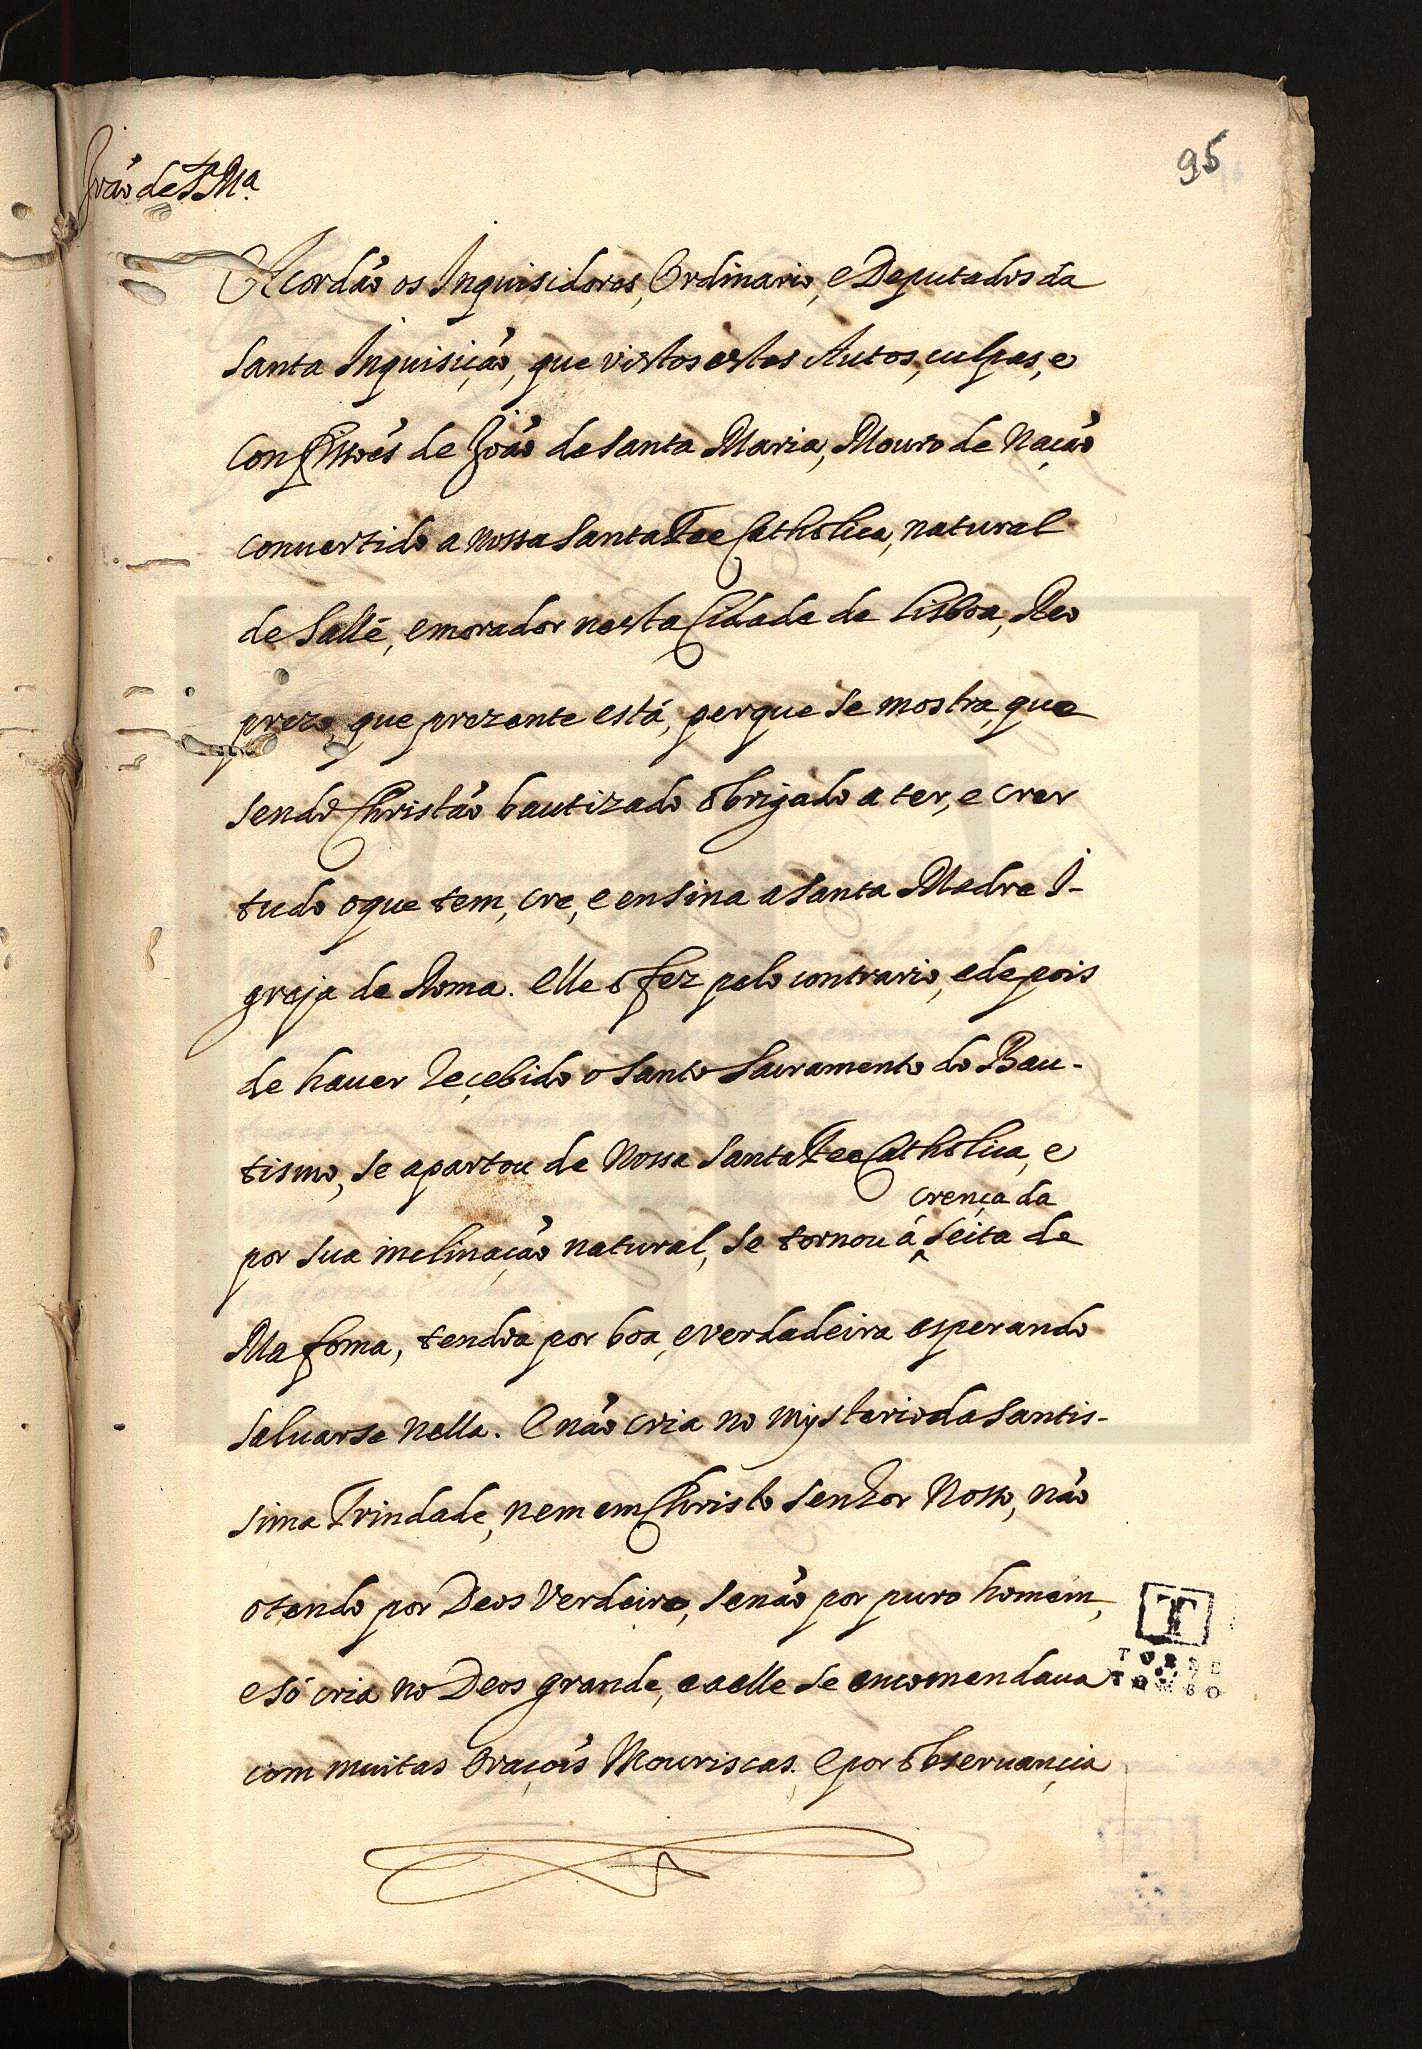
Acordaõ os Inquisidores, Ordinario, e Deputados da
Santa Inquisiçaõ, que vistos estes Autos, culpas, e
confissoẽs de Joaõ de Santa Maria, Mouro de Naçaõ
conuertido a nossa Santa Fee Catholica, natural
de Sallē, e morador nesta Cidade de Lisboa, Reo
prezo, que prezente está, per que se mostra, que
sendo Christaõ bautizado obrigado a ter, e crer
tudo o que tem, cre, e ensina a Santa Madre I
greja de Roma. elle o fez pelo contrario, e depois
de hauer Reçebido o santo Sacramento do Bau
tismo, se apartou de Nossa santa Fee Catholica, e
por sua inclinaçaõ natural, se tornou á
crença da
seita de
Mafoma, tendoa por boa, e verdadeira esperando
saluarse nella. E não cria no mysterio da santis
sima Trindade, nem em Christo Senhor Nosso, naõ
o tendo por Deos verdadeiro, senaõ por puro homem,
e só cria no Deos grande, e a elle se encomendaua
com muitas Oraçoẽs Mouriscas. E por obseruançia
